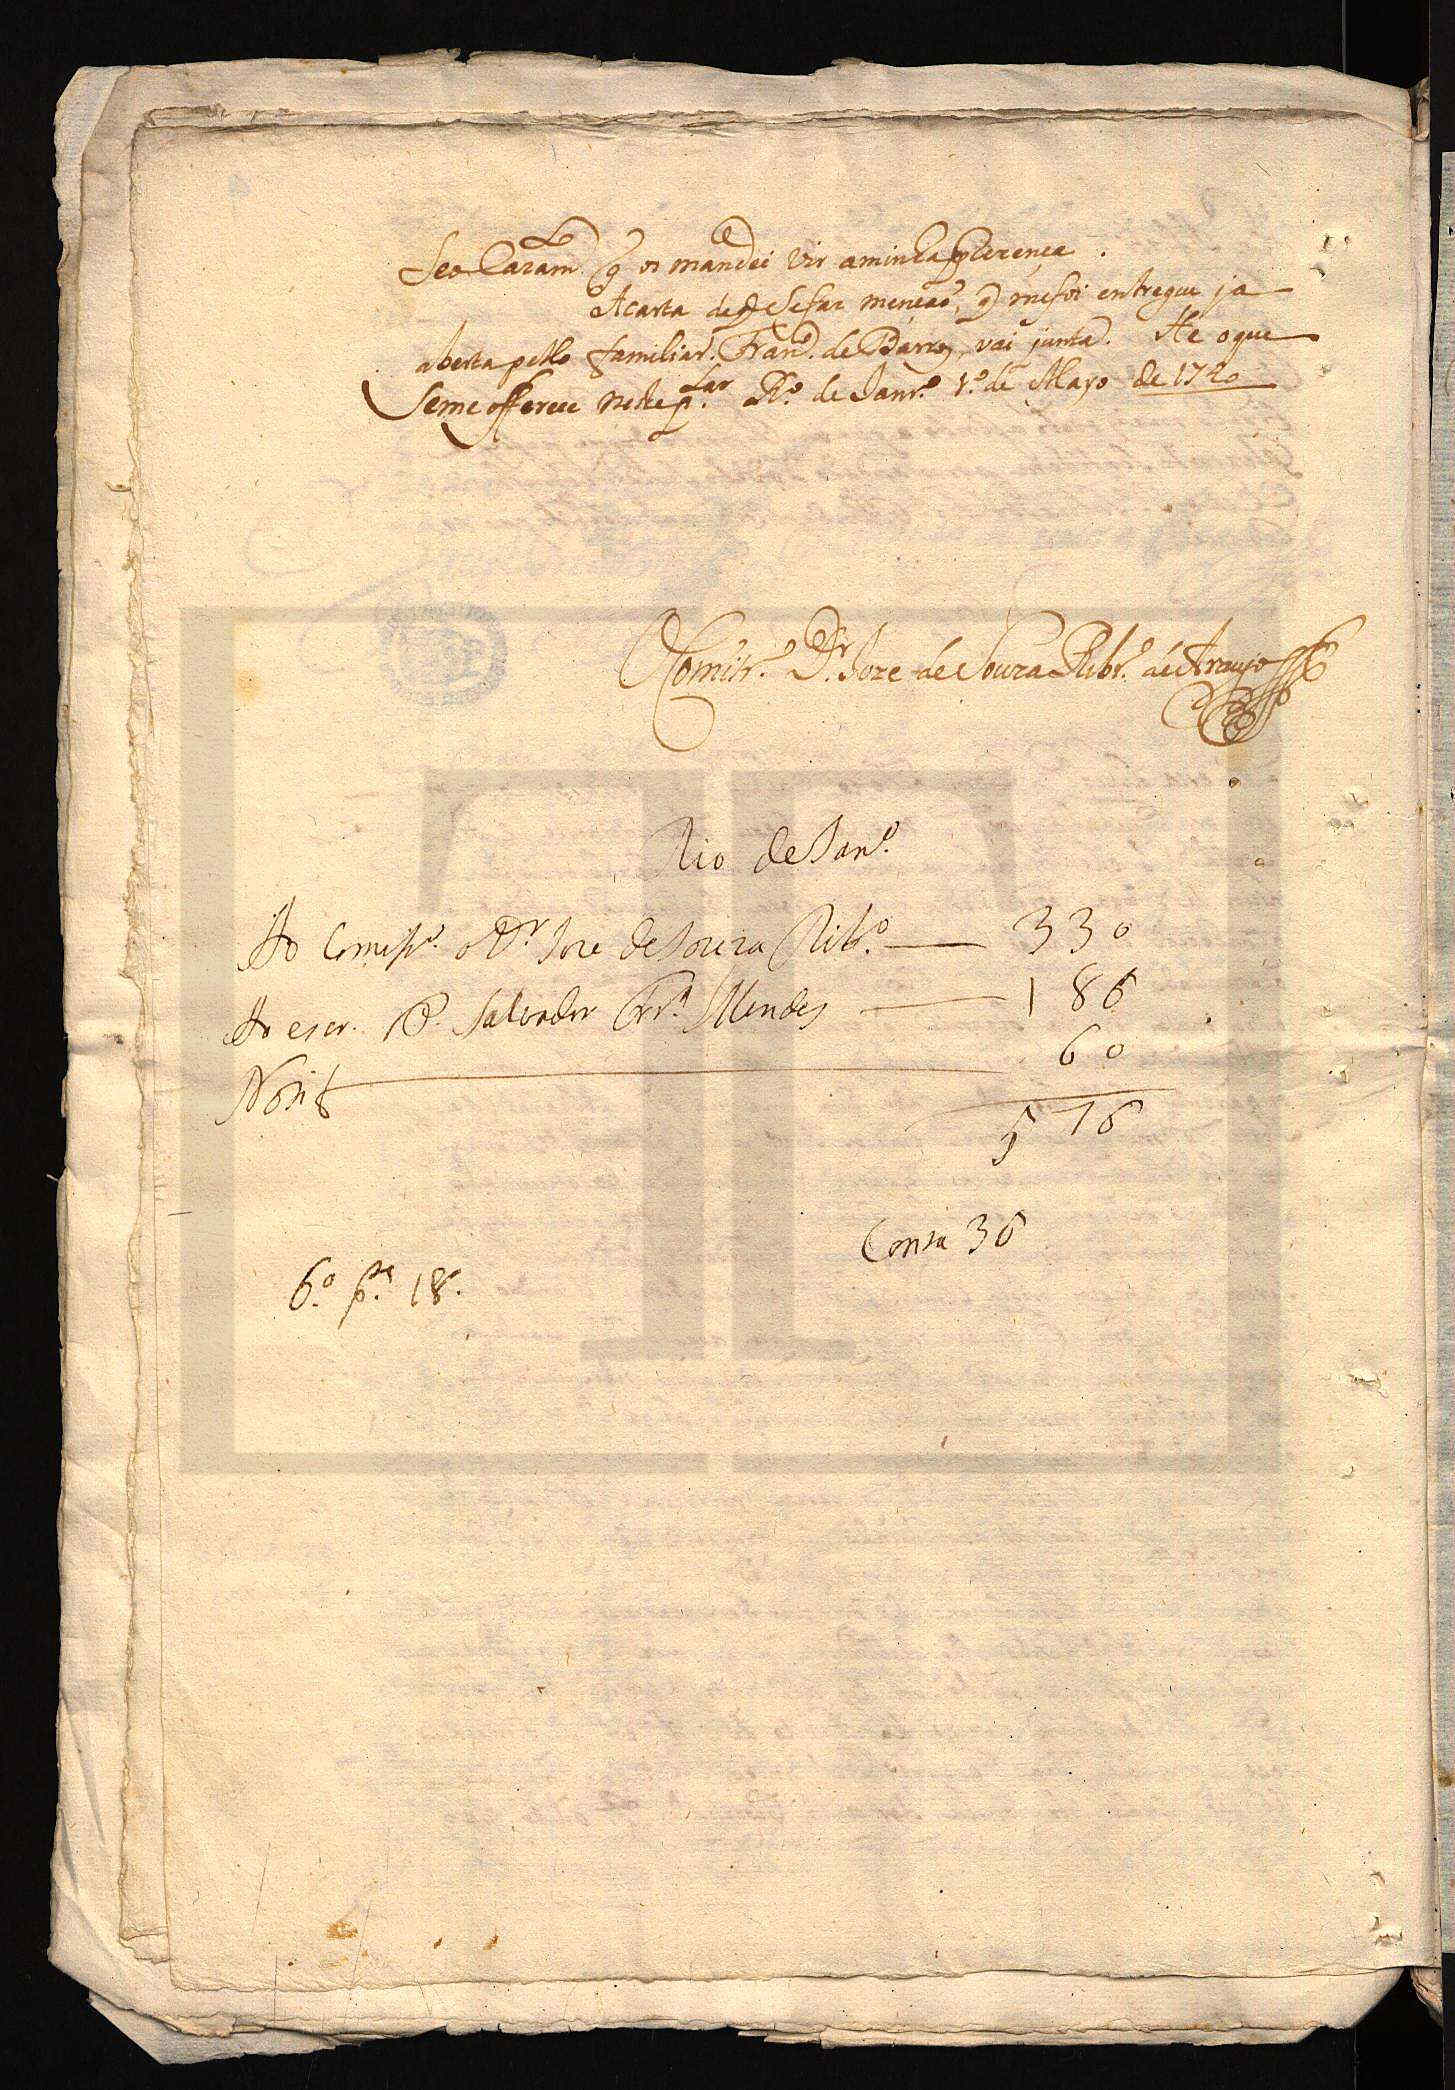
O Comīsr.o D.r Ioze de Souza Ribr.o de Araujo
Seo Cazam.to q̄ os mandei vir a minha pRezença
A carta de q̄ Se faz mençaõ, q̄ me foi entregue ja
aberta pello familiar. Fran.co de Barros, vai junta. He o que
se me offerece neste p.lar R.o de Ianr.o 1.o de Mayo de 1740
330
Ao Comisr.o o D.r Ioze de Souza Rib.o
186
Ao escr. o P. Salvador Frr.a Mendes
60
Notif
576
Conta 36
6.o p.te 18.
Rio de Ian.o
